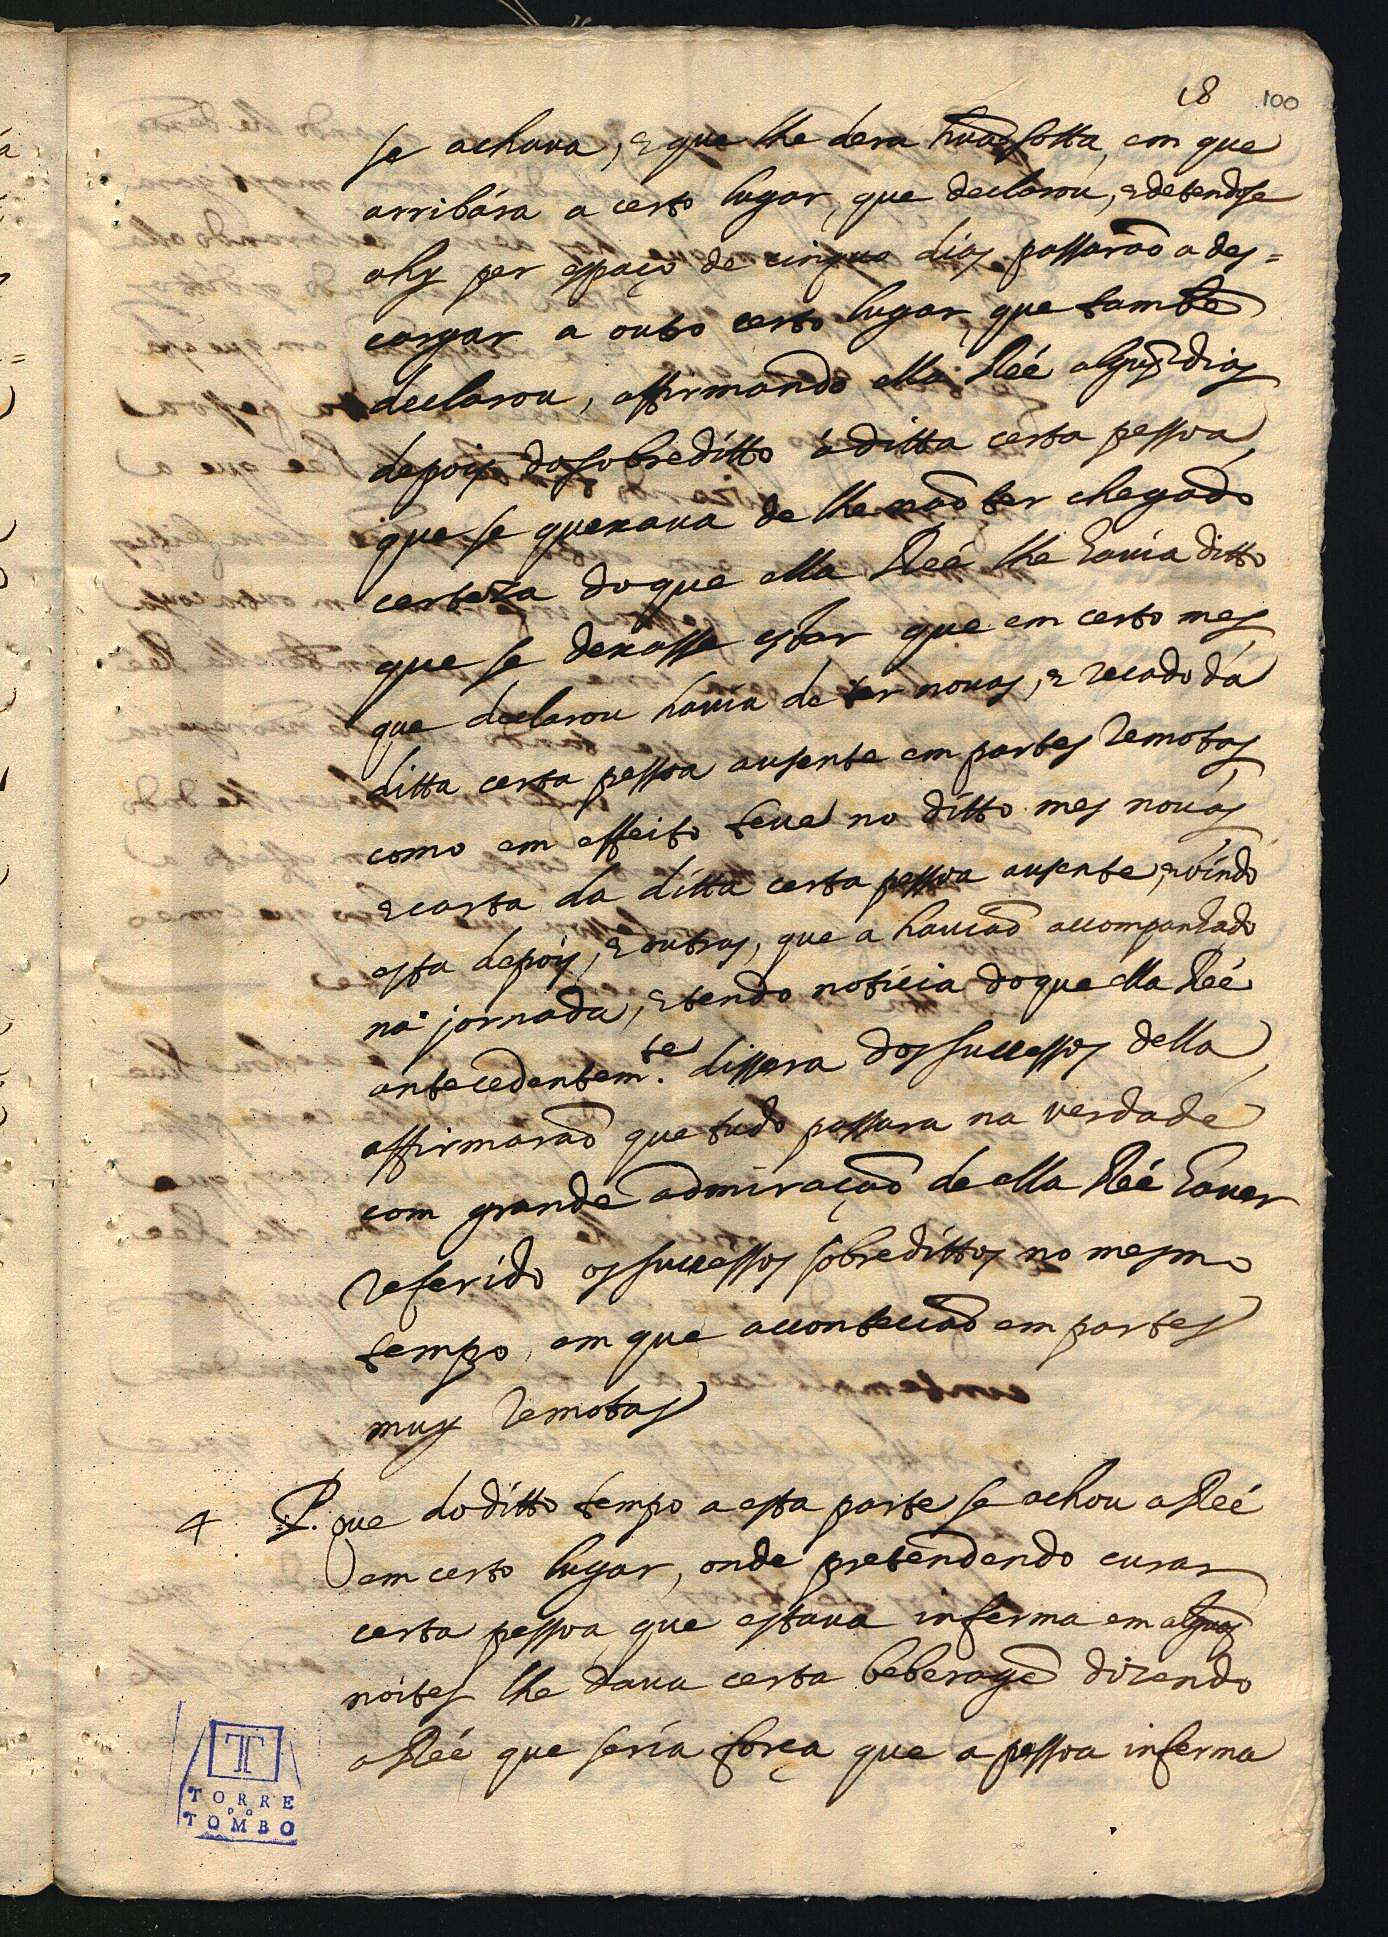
se achaua, E que lhe dera hūa sotta, em que
arribára a certo lugar, que declarou, E detendose
ahy per espaço de cinquo dias passaraõ a des
cargar a outro certo lugar, que tambē
declarou, affirmando ella Reé algūs dias
depois do sobreditto á ditta certa pessoa,
que se quexaua de lhe não ter chegado
certeza do que ella Reé lhe hauia ditto
que se dexasse estar que em certo mes
que declarou hauia de ter nouas, E recado da
ditta certa pessoa ausente em partes remotas,
como em effeito teue no ditto mes nouas
E carta da ditta certa pessoa ausente, E vindo
esta depois, E outras, que a hauião accompanhado
na jornada, E tendo noticia do que ella Reé
antecedentem.te dissera dos successos della
affirmarão que tudo passara na verdade
com grande admiração de ella Reé hauer
referido os successos sobredittos no mesmo
tempo, em que acconteciaõ em partes
muy Remotas
4 P. que do ditto tempo a esta parte se achou a Reé
em certo lugar, onde pretendendo curar
certa pessoa que estaua inferma em algūas
noites lhe daua certa beberagē dizendo
a Reé que seria força que a pessoa inferma
